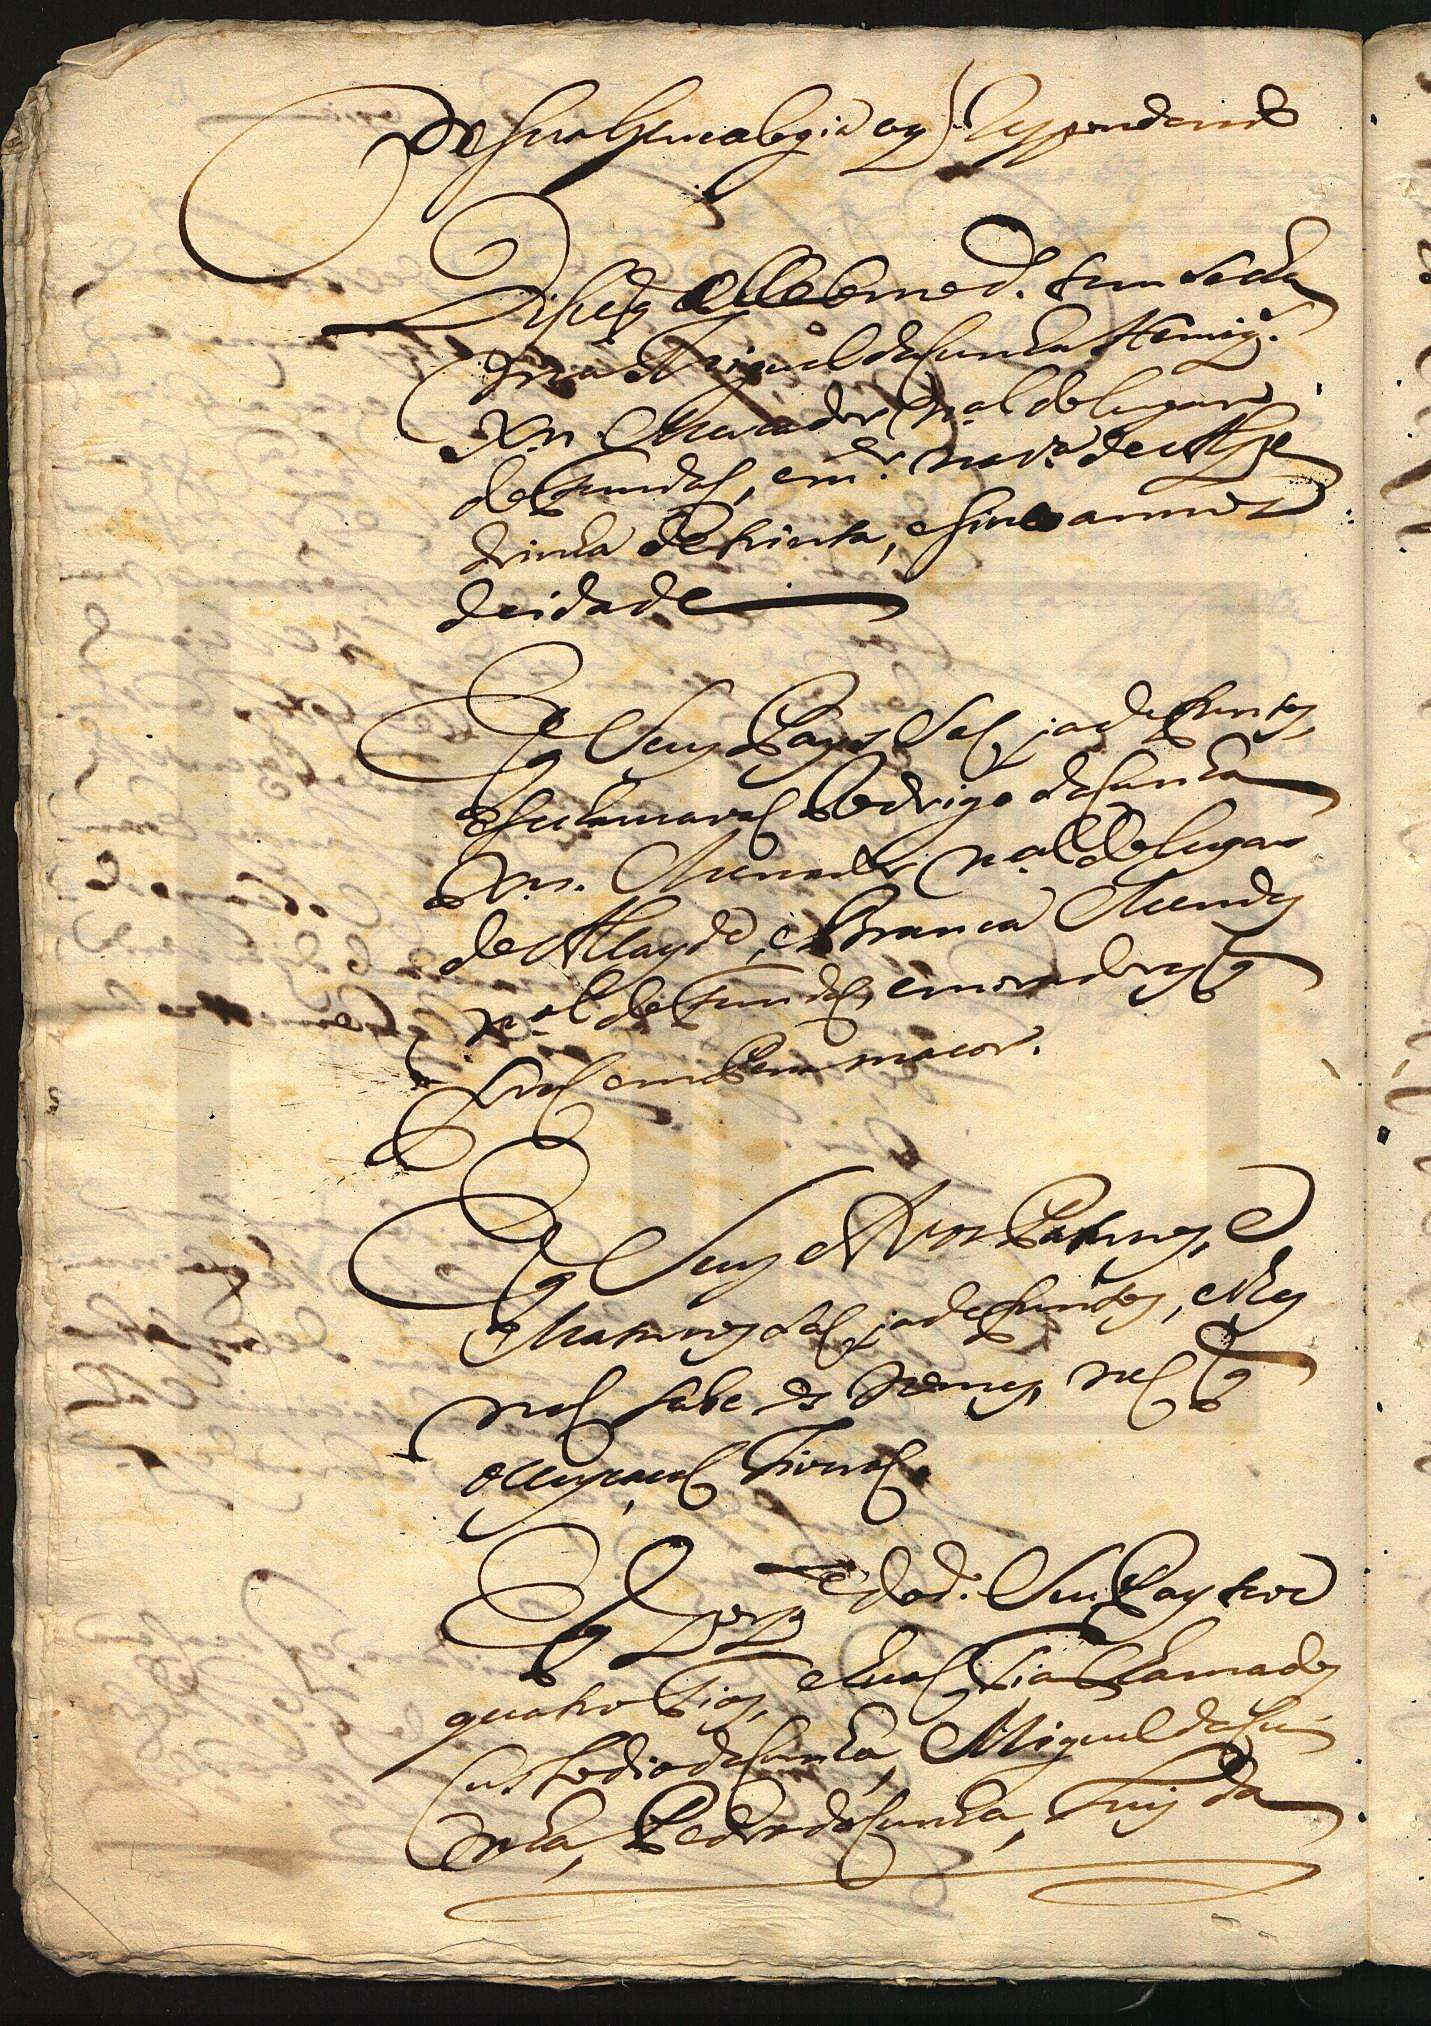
de sua Genealogia o q̄ Respondendo
Disse q̄ elle Como d.o tem se cha
ma Miguel da Cunha Henriq.s
x. n. Mercador n.al do lugar
do Fundaõ, e m.or na v.a de Alpe
drinha de trinta, e sinco annos
de idade
E q̄ Seus Pays Saõ ja defuntos,
E se chamavaõ Rodrigo da Cunha
Xer. Mercador nal do lugar
de Alcayde, e Branca Mendes
nal de Fundaõ, e moradores q̄
foraõ em Penamacor.
E q̄ Seus Avos Paternos, e
Maternos Saõ ja defuntos, e lhes
naõ sabe os nomes, nē q̄
occupaçaõ tiveraõ
E q̄ por pte do d.o Seu Pay seos
quatro Tios, e huā Tia chamados
Custodio da Cunha, Miguel da Cu
nha, Pedro da Cunha, Luis da
